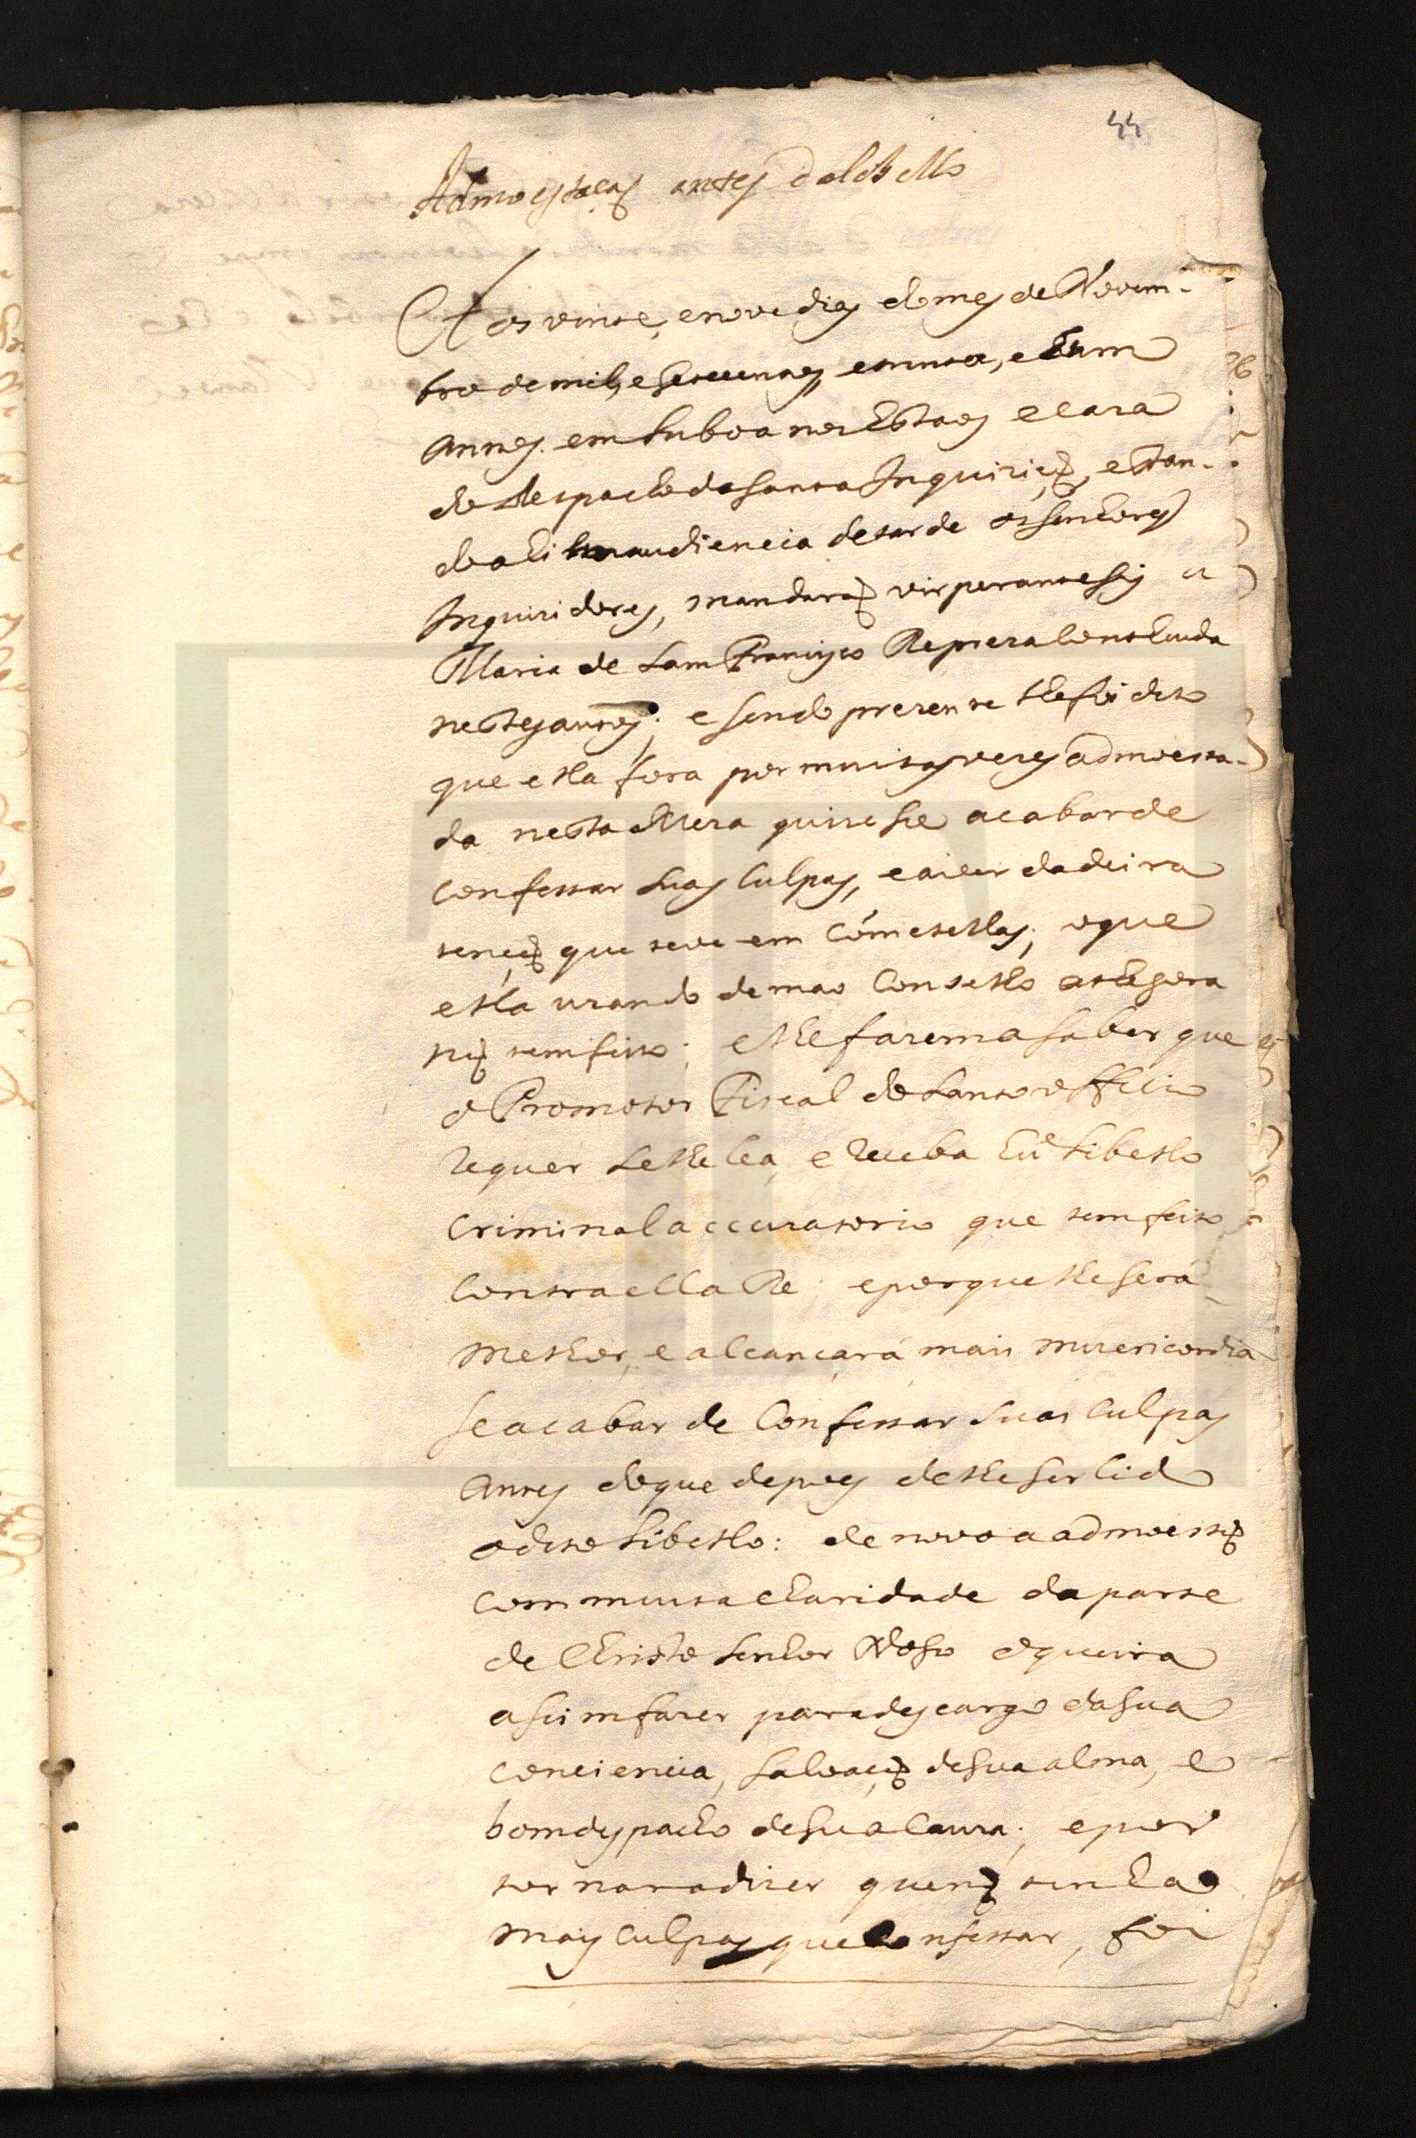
44
Admoestaçaõ antes do libello
Aos vinte, e nove dias do mes de Novem
bro de mil, e setecentos, e trinta, e hum
annos em lisboa nos Estaos e caza
do despacho da santa Jnquiziçaõ, estan
do ahi em audiencia de tarde os senhores
Jnquizidores, mandaraõ vir perante sj a
Maria de Sam Francisco Re preza contheuda
nestes autos; e sendo prezente lhe foi dito
que ella fora por muitas vezes admoesta
da nesta Meza quizese acabar de
confessar suas culpas, e a verdadeira
tençaõ que teve em cometellas, o que
ella uzando de mao Conselho athe gora
naõ tem feito; e lhe fazem a saber que
o Promotor Fiscal do santo officio
Requer selhe lea, e Receba hū Libello
criminal accuzatorio que tem feito
contra ella Ré e porque lle será
melhor, e alcancará mais mizericordia
se acabar de confessar suas culpas
antes do que depoes de lhe ser lido
o dito libello: de novo a admoestaõ
com muita charidade da parte
de Christo senhor Noso o queira
assim fazer para descargo da sua
conciencia, salvação de sua alma, e
bom despacho de sua cauza; e por
tornar a dizer que nõ tinha
mais culpas que confessar, foi
